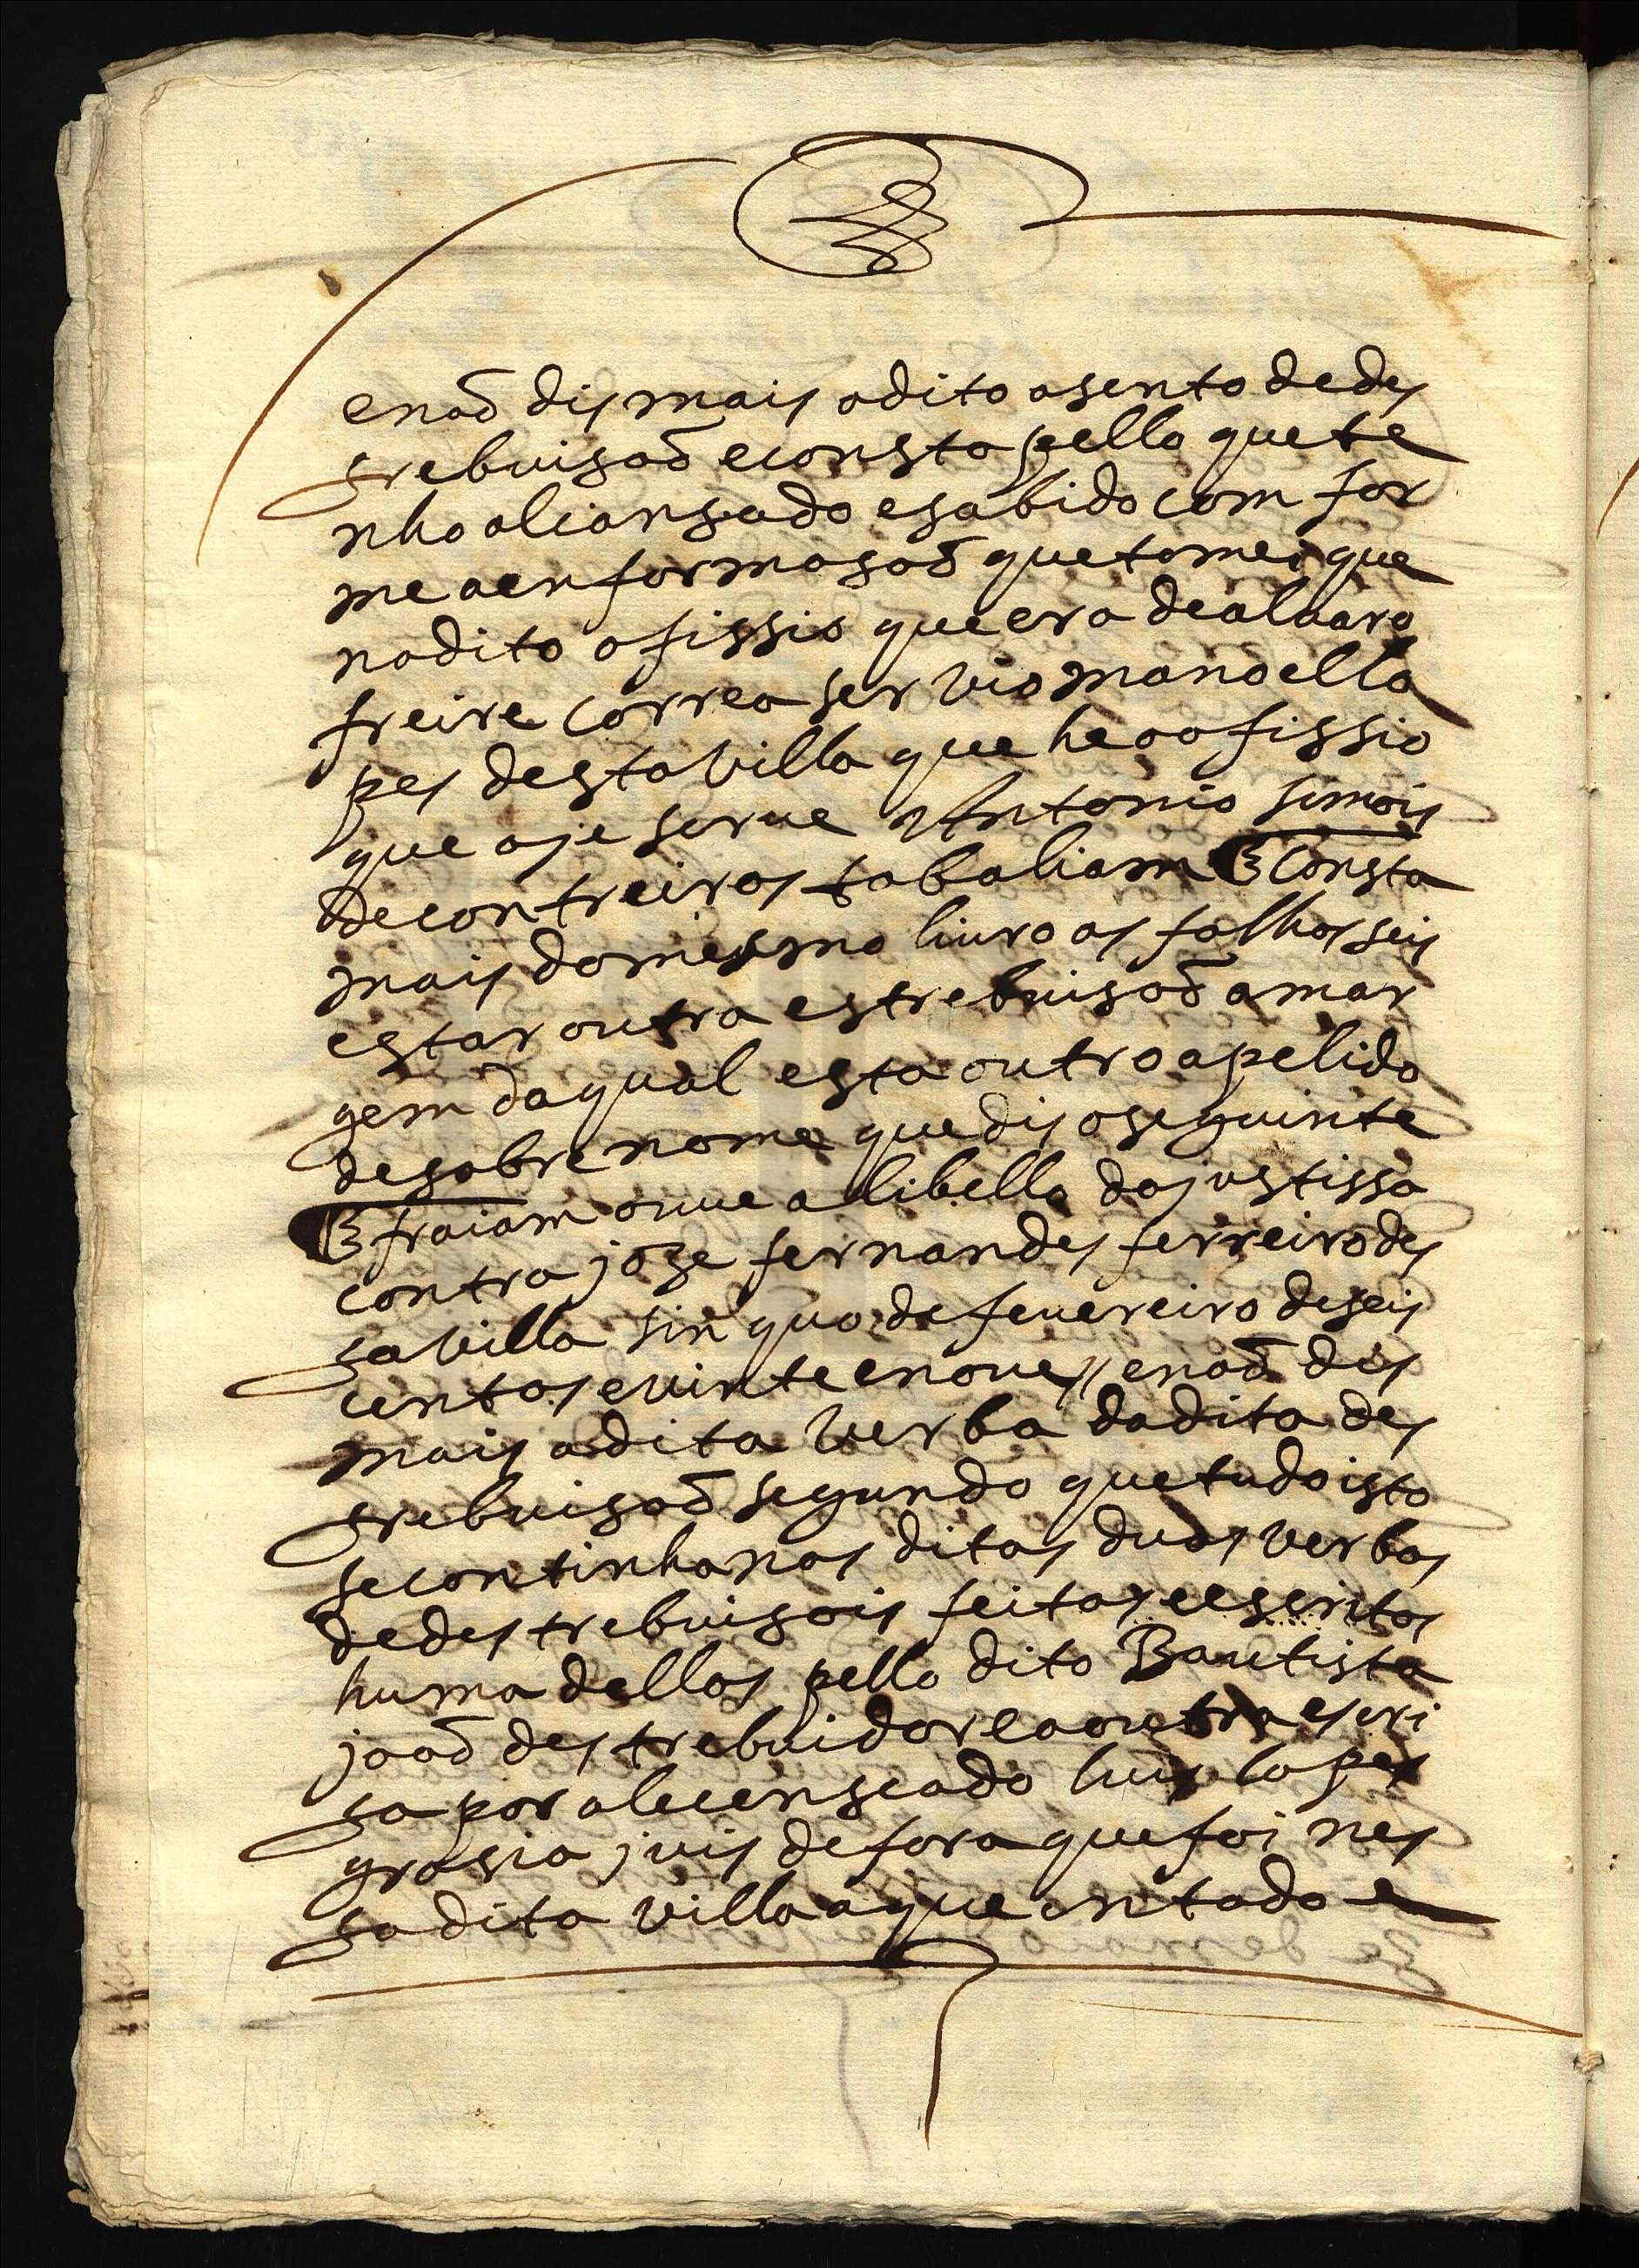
e naõ dis mais o dito asento de des
trebuisaõ e consta pello que te
nho alcansado e sabido comfor
me a enformasaõ que tomei que
no dito ofissio que era de aluaro
freire correa servio manoel lo
pes desta villa que he o ofissio
que oje serue Antonio simois
de contreiras tabaliam ⁋ consta
mais do mesmo liuro as folhas seis
estar outra estrebuisaõ a mar
gem da qual esta outro apelido
de sobrenome que dis o seguinte
⁋ fraiam ouue o libello da justissa
contra joze fernandes ferreiro des
ta villa sinquo de feuereiro de seis
centos e uinte e noue // e naõ dis
mais a dita verba da dita des
trebuisaõ segundo que tudo isto
se continha nas ditas duas verbas
de destrebuisois feitas e escritas
huma dellas pello dito Bautista
joaõ destrebuidor e a outra escri
ta por o lecenseado luis lopes
grasia juis de fora que foi nes
ta dita villa a que en todo e
